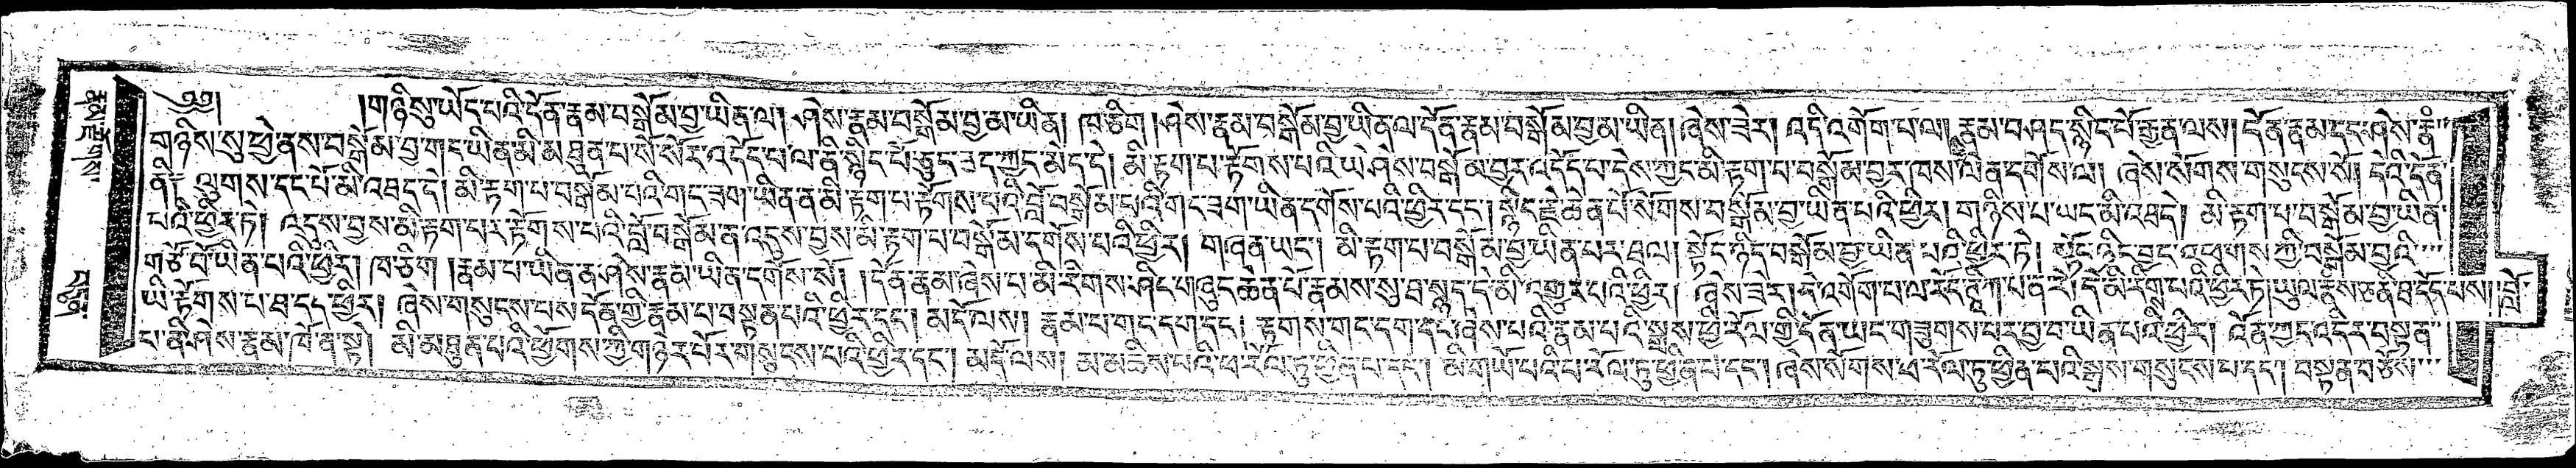༄༅། །གཉིས་སུ་ཡོད་པའི་དོན་རྣམ་བསྒོམ་བྱ་ཡིན་ལ། ཤེས་རྣམ་བསྒོམ་བྱ་མ་ཡིན། ཁ་ཅིག །ཤེས་རྣམ་བསྒོམ་བྱ་ཡིན་ལ་དོན་རྣམ་བསྒོམ་བྱ་མ་ཡིན། ཞེས་ཟེར། འདི་འགོག་པ་ལ། རྣམ་བཤད་སྙིང་པོ་རྒྱན་ལས། དོན་རྣམ་དང་ཤེས་རྣམ་
གཉིས་སུ་ཕྱེ་ནས་བསྒོམ་བྱ་གང་ཡིན་མི་མཐུན་པ་སོ་སོར་འདོད་པ་ལ་ནི་སྙིང་པོ་ཅུང་ཟད་ཀྱང་མེད་དེ། མི་རྟག་པ་རྟོགས་པའི་ཡེ་ཤེས་བསྒོམ་བྱར་འདོད་པ་དེས་ཀྱང་མི་རྟག་པ་བསྒོམ་བྱར་ཁས་ལེན་དགོས་ལ། ཞེས་སོགས་གསུངས་སོ། དེའི་དོན་
ནི༑ ལུགས་དང་པོ་མི་འཐད་དེ། མི་རྟག་པ་བསྒོམ་པའི་གང་ཟག་ཡིན་ན་མི་རྟག་པ་རྟོགས་པའི་བློ་བསྒོམ་པའི་གང་ཟག་ཡིན་དགོས་པའི་ཕྱིར་དང་། སྙིང་རྗེ་ཆེན་པོ་སོགས་བསྒོམ་བྱ་ཡིན་པའི་ཕྱིར། གཉིས་པ་ཡང་མི་འཐད་དེ། མི་རྟག་པ་བསྒོམ་བྱ་ཡིན་
པའི་ཕྱིར་ཏེ། འདུས་བྱས་མི་རྟག་པར་རྟོགས་པའི་བློ་བསྒོམ་ན་འདུས་བྱས་མི་རྟག་པ་བསྒོམ་དགོས་པའི་ཕྱིར། གཞན་ཡང་། མི་རྟག་པ་བསྒོམ་བྱ་ཡིན་པར་ཐལ། སྟོང་ཉིད་བསྒོམ་བྱ་ཡིན་པའི་ཕྱིར་ཏེ། སྟོང་ཉིད་བྱང་འཕགས་ཀྱི་བསྒོམ་བྱའི་
གཙོ་བོ་ཡིན་པའི་ཕྱིར། ཁ་ཅིག །རྣམ་པ་ཡིན་ན་ཤེས་རྣམ་ཡིན་དགོས་སོ། །དོན་རྣམ་ཞེས་པ་མི་རིགས་ཤིང་གཞུང་ཆེན་པོ་རྣམས་སུ་ཐ་སྙད་དེ་མི་འབྱུང་པའི་ཕྱིར། ཞེས་ཟེར། དེ་འགོག་པ་ལ་རོང་ཊཱིཀ་པ་ན་རེ། དེ་མི་རིགས་པའི་ཕྱིར་ཏེ། ཡུལ་རྣམས་ཅན་ནི་ཐ་དད་པས། །བློ་
ཡི་རྟོགས་པ་ཐ་དད་ཕྱིར། ཞེས་གསུངས་པས་དོན་གྱི་རྣམ་པ་བསྟན་པའི་ཕྱིར་དང་། མདོ་ལས། རྣམ་པ་གང་དག་དང་། རྟགས་གང་དག་དང་ཞེས་པའི་རྣམ་པའི་སྒྲས་ཕྱི་རོལ་གྱི་དོན་ཡང་གཟུང་པར་བྱ་བ་ཡིན་པའི་ཕྱིར། འོན་ཀྱང་འདིར་བསྟན་
པ་ནི་ཤེས་རྣམ་ཁོ་ན་སྟེ། མི་མཐུན་པའི་ཕྱོགས་ཀྱི་གཉེན་པོར་གསུངས་པའི་ཕྱིར་དང་། མདོ་ལས། མ་མཆིས་པའི་ཕ་རོལ་ཏུ་ཕྱིན་པ་དང་། མི་གཡོ་པའི་པ་རོལ་ཏུ་ཕྱིན་པ་དང་། ཞེས་སོགས་ཕ་རོལ་ཏུ་ཕྱིན་པའི་སྒྲས་གསུངས་པ་དང་། བསྟན་བཅོས་